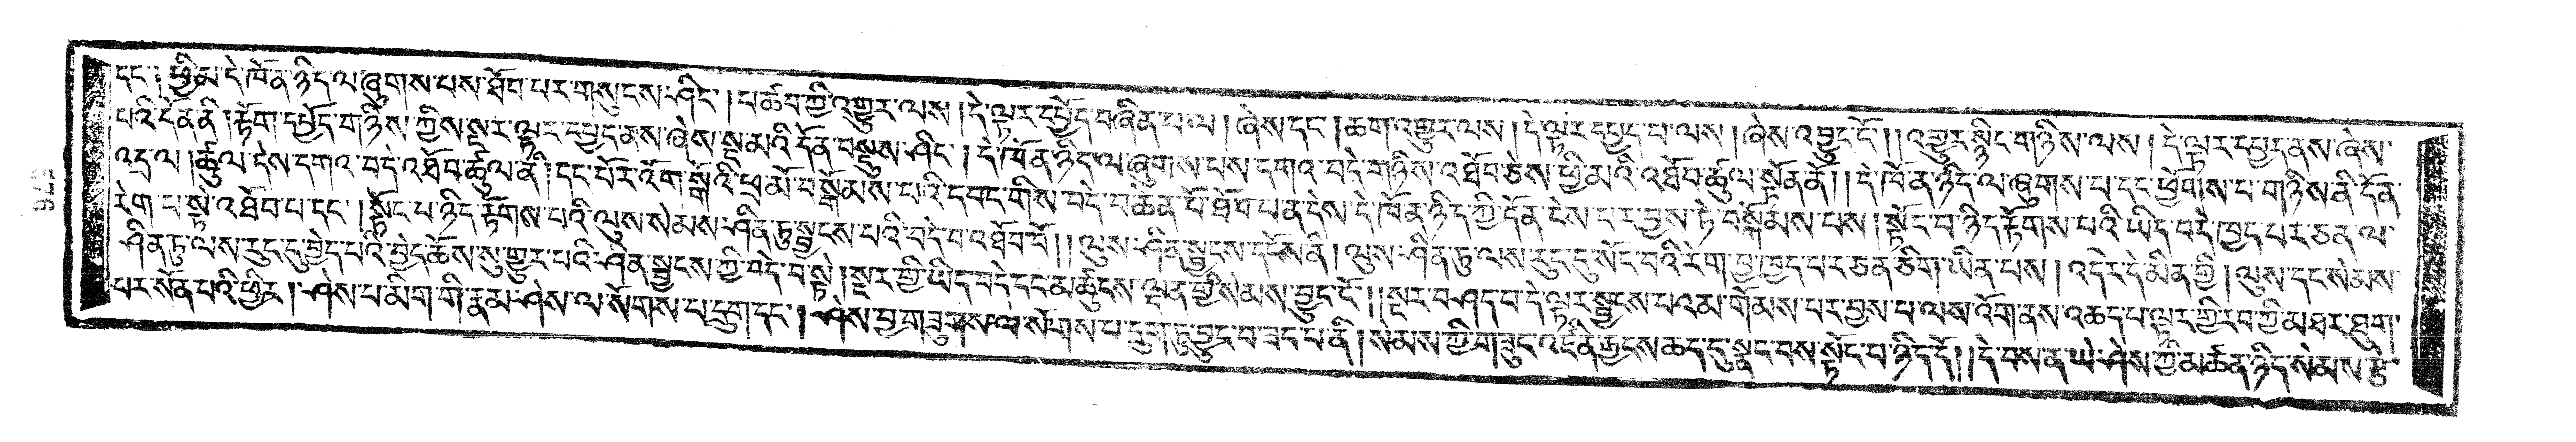དང༑ ཕྱི་མ་དེ་ཁོ་ན་ཉིད་ལ་ཞུགས་པས་ཐོབ་པར་གསུངས་ཤིང་། པ་ཚབ་ཀྱི་འགྱུར་ལས། དེ་ལྟར་དཔྱོད་བཞིན་པ་ལ། ཞེས་དང་། ཆག་འགྱུར་ལས། དེ་ལྟར་དཔྱད་པ་ལས། ཞེས་འབྱུང་ངོ། །འགྱུར་སྙིང་གཉིས་ལས། དེ་ལྟར་དཔྱད་ནས་ཞེས་
པའི་དོན་ནི། རྟོག་དཔྱོད་གཉིས་ཀྱིས་སྔར་ལྟར་དཔྱད་ནས་ཞེས་སྔ་མའི་དོན་བསྡུས་ཤིང་། དེ་ཁོ་ན་ཉིད་ལ་ཞུགས་པས་དགའ་བདེ་གཉིས་འཐོབ་ཅེས་ཕྱི་མའི་འཐོབ་ཚུལ་སྟོན་ནོ། །དེ་ཁོ་ན་ཉིད་ལ་ཞུགས་པ་དང་ཕྱོགས་པ་གཉིས་ནི་དོན་
འདྲ་ལ། ཚུལ་དེས་དགའ་བདེ་འཐོབ་ཚུལ་ནི། དང་པོར་འོག་སྒོའི་ཕྲ་མོ་བསྒོམས་པའི་དབང་གིས་བདེ་བ་ཆེན་པོ་ཐོབ་པ་ན་དེས་དེ་ཁོ་ན་ཉིད་ཀྱི་དོན་ངེས་པར་བྱས་ཏེ་བསྐོམས་པས། སྟོང་པ་ཉིད་རྟོགས་པའི་ཡིད་བདེ་ཁྱད་པར་ཅན་ལ་
རེག་པ་སྟེ་འཐོབ་པ་དང་། སྟོང་པ་ཉིད་རྟོགས་པའི་ལུས་སེམས་ཤིན་ཏུ་སྦྱངས་པའི་བདེ་བ་འཐོབ་བོ། །ལུས་ཤིན་སྦྱངས་དངོས་ནི། ལུས་ཤིན་ཏུ་ལས་རུང་དུ་སོང་བའི་རེག་བྱ་ཁྱད་པར་ཅན་ཅིག་ཡིན་པས། འདིར་དེ་མིན་གྱི། ལུས་དང་སེམས་
ཤིན་ཏུ་ལས་རུང་དུ་བྱེད་པའི་བྱེད་ཆོས་སུ་གྱུར་པའི་ཤིན་སྦྱངས་ཀྱི་བདེ་བ་སྟེ། སྔར་གྱི་ཡིད་བདེ་དང་མཚུངས་ལྡན་གྱི་སེམས་བྱུང་ངོ། །སྔར་བཤ་དེ་པ་དེ་ལྟར་སྦྱངས་པའམ་གོམས་པར་བྱས་པ་ལས་འོག་ནས་འཆད་པ་ལྟར་གྱི་རབ་ཀྱི་མཐར་ཐུག་
པར་སོན་པའི་ཕྱིར། ཤེས་པ་མིག་གི་རྣམ་ཤེས་ལ་སོགས་པ་དྲུག་དང་། ཤེས་བྱ་གཟུགས་ལ་སོགས་པ་དྲུག་ཏུ་བྱུང་བ་ཟད་པ་ནི། སེམས་ཀྱི་གཟུང་འཛིན་རྒྱངས་ཆད་དུ་སྣང་བས་སྟོང་པ་ཉིད་དོ། །དེ་བས་ན་ཡེ་ཤེས་ཀྱི་མཚན་ཉིད་སེམས་རྩེ་